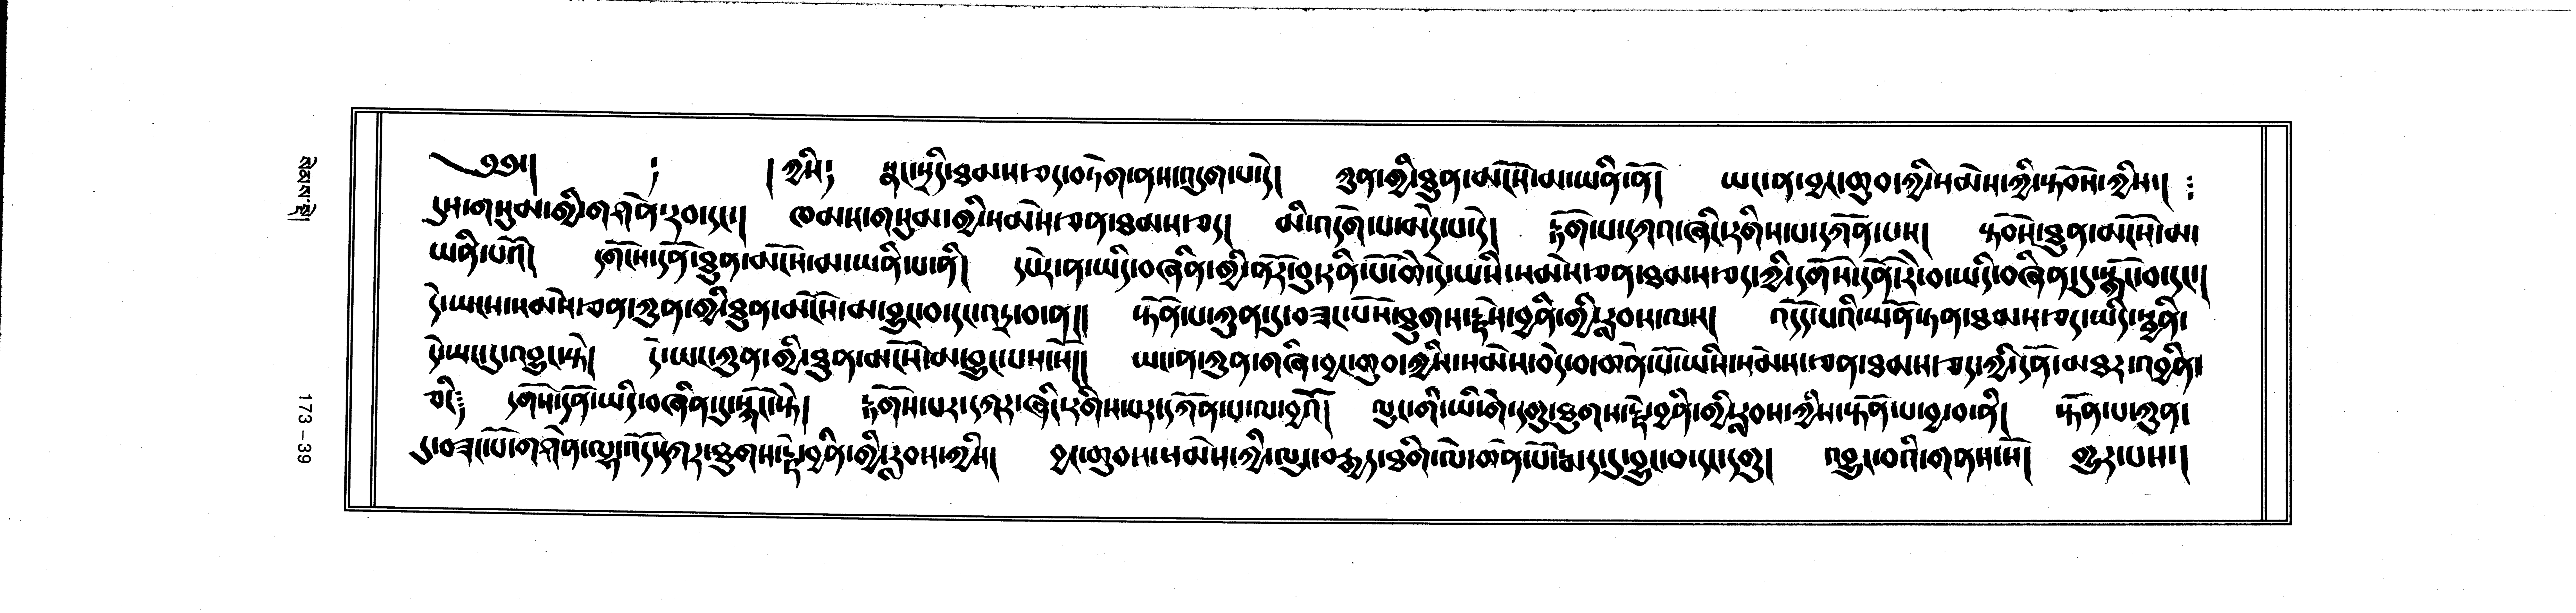ཀྱིས། སྣང་སྲིད་ཐམས་ཅད་བཏེགས་ནས་འདུག་པ་དེ། ཀུན་གྱིས་ཐུན་མོང་མ་ཡིན་ནོ། ཡང་ན་བྱང་ཆུབ་ཀྱི་སེམས་ཀྱིས་སྟོབས་ཀྱིས། 
དུས་གསུམ་གྱི་གཤེན་རབ་དང་། ཁམས་གསུམ་གྱི་སེམས་ཅན་ཐམས་ཅད། མིོ་འདེག་པ་མེད་པ་དེ། རྟོགས་པར་དཀའ་ཞིང་རིག་པ་དཀོན་པས། སྟོབས་ཐུན་མོང་
མ་ཡིན་པའོ། །དགོངས་དོན་ཐུན་མོང་མ་ཡིན་པ་ནི། དཔེར་ན་ཡིད་བཞིན་གྱི་ནོར་བུ་རིན་པོ་ཆེ་དེ་ཡིས་སེམས་ཅན་ཐམས་ཅད་ཀྱི་དགོས་དོན་རེ་བ་ཡིད་བཞིན་དུ་སྐོང་བ་དང་། 
དེ་ཡང་སེམས་ཅན་ཀུན་གྱི་ཐུན་མོང་མ་བྱུང་བ་དང་འདྲ་བ་ན། སྟོན་པ་ཀུན་ཏུ་བཟང་པོས་ཐུགས་རྗེས་བྱིན་གྱི་རླབས་ལས། འདོད་པའི་ཡོན་ཏན་ཐམས་ཅད་ཡིད་སྦྱིན་
དེ་ཡང་དུ་འབྱུང་སྟེ། དེ་ཡང་ཀུན་གྱི་ཐུན་མོང་མ་བྱུང་བས་སོ། །ཡང་ན་ཀུན་གཞི་བྱང་ཆུབ་ཀྱི་སེམས་བདེ་བ་ཆེན་པོ་ཡིས། སེམས་ཅན་ཐམས་ཅད་ཀྱི་དོན་མཐར་འབྱིན་
ཅིང་། དགོས་དོན་ཡིད་བཞིན་དུ་སྐོང་སྟེ། རྟོགས་པར་དཀའ་ཞིང་རིག་པར་དཀོན་པ་ལ་བྱའོ། །ལུང་གི་ཡི་གེ་དགུ་ཐུགས་རྗེ་བྱིན་གྱི་རླབས་ཀྱིས་སྟོན་པ་བྱ་བ་ནི། སྟོན་པ་ཀུན་
ཏུ་བཟང་པོ་གཤེན་ལྷ་འོད་དཀར་ཐུགས་རྗེ་བྱིན་གྱི་རླབས་ཀྱིས། བྱང་ཆུབ་སེམས་ཀྱི་ལུང་བརྒྱད། ཐིག་ལེ་ཆེན་པོ་རྨད་དུ་བྱུང་བ་དང་དགུ། འབྱུང་བའི་གནས་སུ་གྱུར་པས།